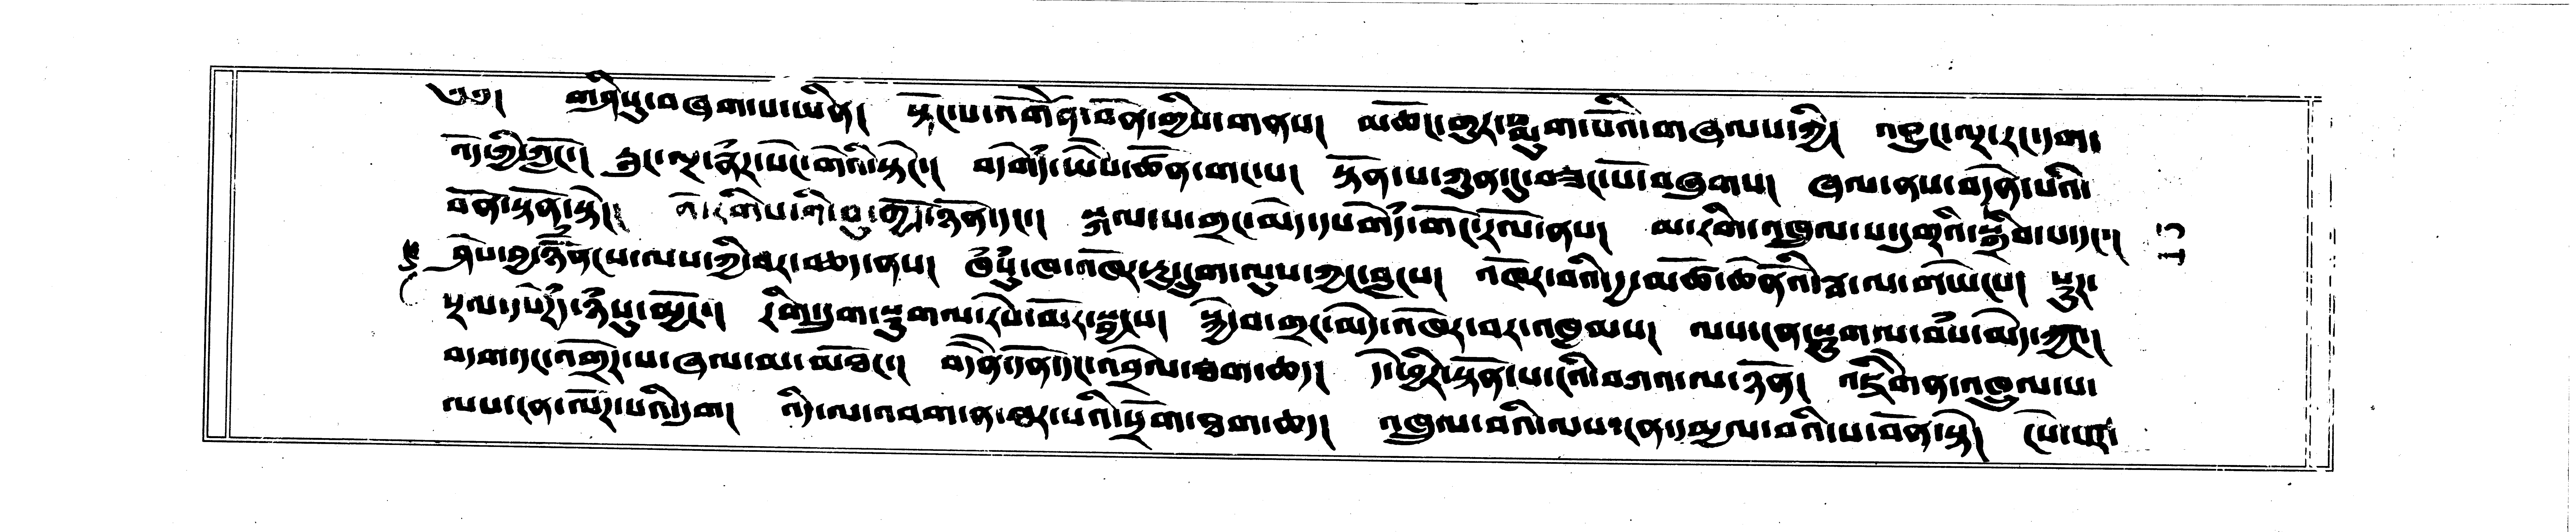གཤིས་སུ་བཞག་པ་ཡིན། སྟོང་པ་འོག་མིན་བོན་གྱི་གནས། མཆོང་གུར་སྨུག་པོའི་གཞལ་ཡས་ཀྱི། འབྱུང་ལྔ་རང་དག་
འོད་ཀྱི་ཀློང་། རླུང་ལྔ་རྣམ་པར་སེང་གེའི་སྟེང་། བདག་མེད་ཡེ་ཤེས་ཚོན་གང་པ། སྟོན་པ་ཀུན་ཏུ་བཟང་པོ་བཞུགས། ཞལ་ནས་བདེན་པའི་
བོན་སྟོན་ཏེ། འོ་རིགས་ཀྱི་བུ་ཁྱོད་ཉོན་དང་། བསྐལ་པ་དཔག་མེད་གྲངས་མེད་གོང་རོལ་ནས། མ་རིག་འཁྲུལ་པ་དུག་ལྔས་བསྒྲིབས་པ་དང་། 
ཤེས་བྱ་ཉོན་མོངས་ལས་ཀྱིས་བར་བཅད་ནས། ཁམས་གསུམ་ཁ་འཁོར་རྒྱུ་དྲུག་ལུས་བླངས་ཀྱང་། འཁོར་བའི་རྒྱ་མཚོ་ཆེན་པའི་རྦ་ལ་གཡེངས། སྡུག་
བསྔལ་དཔག་མེད་ཉམས་སུ་མྱོང་། རིགས་དྲུག་སྡུག་བསྔལ་རེས་མོར་སྦྱངས། སྐྱེ་བ་གྲངས་མེད་འཁོར་བར་འཁྱམས། ལས་ངན་སྡུག་བསྔལ་བསམ་མེད་ཀྱང་། 
བདག་དང་འགྲོགས་པ་ཞལ་མ་མཐོང་། བདེ་ཆེན་དོན་དང་འབྲེལ་ཐག་ཆད། དེ་ཕྱིར་སྟོན་པ་ང་ཡི་བཀའ་ལ་ཉོན། འཇིག་རྟེན་འཁྲུལ་པ་
ལས་ངན་ལོག་པའི་དུག འདི་ལ་འབག་ན་ཐར་པའི་སྲོག་ཐག་ཆད། འཁྲུལ་པའི་ལས་ངན་དམྱལ་བའི་ས་བོན་ཏེ། ངེས་པར་